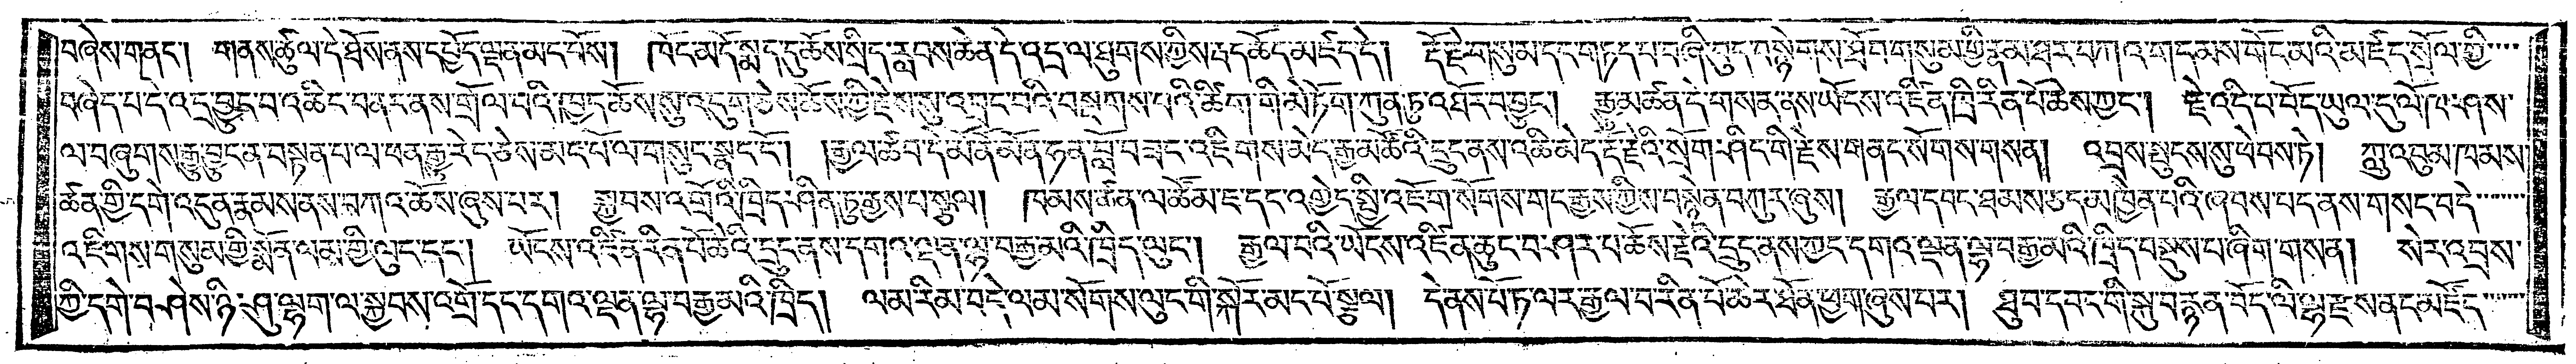བཞེས་གནང་། གནས་ཚུལ་དེ་ཐོས་ནས་དཔྱོད་ལྡན་མང་པོས། ཁོང་མདོ་སྨད་དུ་ཆོས་སྲིད་རླབས་ཆེན་དེ་འདྲ་ལ་ཐུགས་ཀྱིས་རྦད་ཆོད་མཛད་དེ། རྡོ་རྗེ་གསུམ་དང་གཏད་པ་བཞི་བུད་བསྙེགས་ཐོབ་གསུམ་གྱི་རྣམ་ཐར་བཀའ་གདམས་གོང་མའི་མཛད་སྲོལ་གྱི་
བཞེད་པ་དེ་འདྲ་བྱུང་བ་འཆིང་བ་ནང་ནས་གྲོལ་བའི་ཁྱད་ཆོས་སུ་འདུག་ཅེས་ཆོས་ཀྱི་རྗེས་སུ་འབྲང་བའི་བསྔགས་པའི་ཚིག་གི་མེ་ཏོག་ཀུན་ཏུ་འཐོར་བ་བྱུང་། རྒྱུ་མཚན་དེ་གསན་ནས་ཡོངས་འཛིན་ཁྲི་རིན་པོ་ཆེས་ཀྱང་། རྗེ་འདི་པ་བོད་ཡུལ་དུ་ལོ་ཁ་ཤས་
ལ་བཞུགས་རྒྱུ་བྱུང་ན་བསྟན་པ་ལ་ཕན་རྒྱུ་རེད་ཅེས་མང་པོ་ལ་གསུང་སྣང་ངོ། །རྒྱལ་ཚབ་དེ་མོ་ནོ་མོན་ཧན་བློ་བཟང་འཇིགས་མེད་རྒྱ་མཚོའི་དྲུང་ནས་འཆི་མེད་རྡོ་རྗེའི་སྲོག་ཤིང་གི་རྗེས་གནང་སོགས་གསན། འབྲས་སྤུངས་སུ་ཕེབས་ཏེ། ཀླུ་འབུམ་ཁམས་
ཚན་གྱི་དགེ་འདུན་རྣམས་ནས་བཀའ་ཆོས་ཞུས་པར། སྐྱབས་འགྲོའི་ཁྲིད་ཤིན་ཏུ་རྒྱས་པ་སྩལ། ཁམས་ཚན་ལ་ཚོམ་ཇ་དང་འགྱེད་སྤྱི་འཇོག་སོགས་གང་རྒྱས་ཀྱིས་བསྙེན་བཀུར་ཞུས། རྒྱལ་དབང་ཐམས་ཅད་མཁྱེན་པའི་ཞབས་པད་ནས་གསང་བདེ་
འཇིགས་གསུམ་གྱི་སྨོན་ལམ་གྱི་ལུང་དང་། ཡོངས་འཛིན་རིན་པོ་ཆེའི་དྲུང་ནས་དགའ་ལྡན་ལྷ་བརྒྱ་མའི་ཁྲིད་ལུང་། རྒྱལ་བའི་ཡོངས་འཛིན་ཆུང་བ་ཤར་པ་ཆོས་རྗེའི་དྲུང་ནས་ཀྱང་དགའ་ལྡན་ལྷ་བརྒྱ་མའི་ཁྲིད་བསྡུས་པ་ཞིག་གསན། སེར་འབྲས་
ཀྱི་དགེ་བཤེས་ཉི་ཤུ་ལྷག་ལ་སྐྱབས་འགྲོ་དང་དགའ་ལྡན་ལྷ་བརྒྱ་མའི་ཁྲིད། ལམ་རིམ་བདེ་ལམ་སོགས་ལུང་གི་སྐོར་མང་པོ་སྩལ། དེ་ནས་པོ་ཏ་ལར་རྒྱལ་བ་རིན་པོ་ཆེར་ཐོན་ཕྱག་ཞུས་བར། ཐུབ་དབང་གི་སྐུ་བརྙན་བོད་ལི་ལྷ་རྫས་ནང་མཛོད་